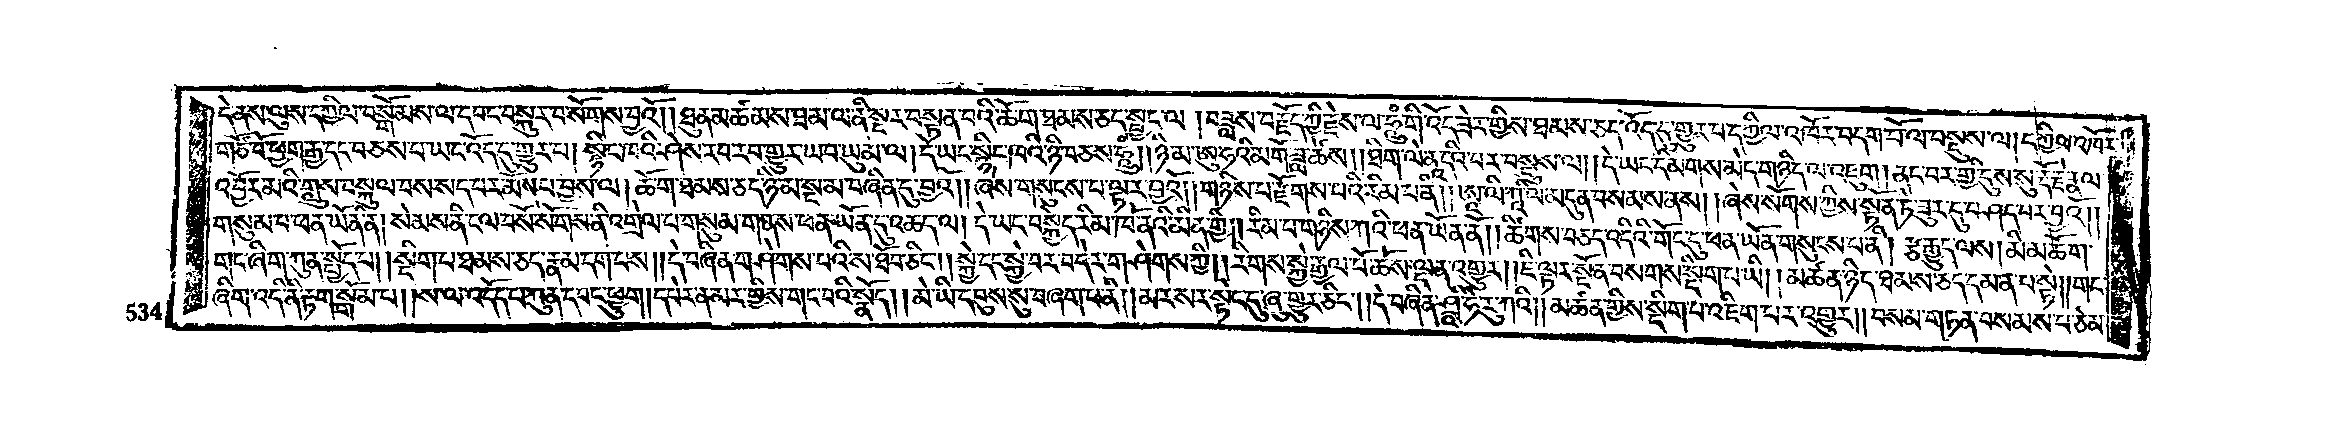དེ་ནས་ལུས་དཀྱིལ་བསྒོམས་ལ་དབང་བསྐུར་བ་སོགས་བྱའོ། །ཐུན་མཚམས་ཐ་མ་ལ་ནི་སྔར་བསྟན་པའི་ཆོ་ག་ཐམས་ཅད་སྦྱང་ལ། བཟླས་བརྗོད་ཀྱི་རྗེས་ལ་ཧཱུཾ་གི་འོད་ཟེར་གྱིས་ཐམས་ཅད་འོད་དུ་གྱུར་པ་དཀྱིལ་འཁོར་བདག་པོ་ལ་བསྡུས་ལ། དཀྱིལ་འཁོར་
གཙོ་བོ་ཕྱག་རྒྱ་དང་བཅས་པ་ཡང་འོད་དུ་གྱུར་པ། སྙིང་ཁའི་ཤེས་རབ་རབ་གྱུར་ཡབ་ཡུམ་ལ། དེ་ཡང་སྙིང་ཁའི་ཉི་བཅས་ཧཱུཾ། །ཉི་མ་ཨུ་ཧའི་མགོ་ཟླ་ཚེས། །ཐིག་ལེ་ནཱ་དའི་བར་བསྡུས་ལ། །དེ་ཡང་དམིགས་མེད་གཉིད་ལ་འཇུག །ནང་བར་གྱི་དུས་སུ་རྡོ་རྗེ་རྣལ་
འབྱོར་མའི་གླུས་བསྐུལ་བས་སད་པར་མོས་པ་བྱས་ལ། ཆོ་ག་ཐམས་ཅད་ཉི་མ་སྔ་མ་བཞིན་དུ་བྱའོ། །ཞེས་གསུངས་པ་ལྟར་བྱའོ། །གཉིས་པ་རྫོགས་པའི་རིམ་པ་ནི། །ཨཱ་ལི་ཀཱི་ལི་མདུན་བསམས་ནས། །ཞེས་སོགས་ཀྱིས་སྟོན་ཏེ་ཟུར་དུ་བཤད་པར་བྱའོ། །
གསུམ་པ་ཕན་ཡོན་ནི། སེམས་ནི་ངལ་བསོ་སོགས་ནི་འགྲེལ་པ་གསུམ་ག་ནས་ཕན་ཡོན་དུ་འཆད་ལ། དེ་ཡང་བསྐྱེད་རིམ་ཁོ་ནའི་མིན་གྱི། །རིམ་པ་གཉིས་ཀའི་ཕན་ཡོན་ནོ། །ཚིགས་བཅད་འདིའི་གོང་དུ་ཕན་ཡོན་གསུངས་པ་ནི། རྩ་རྒྱུད་ལས། མི་མཆོག་
གང་ཞིག་ཀུན་སྤྱོད་པ། །སྡིག་པ་ཐམས་ཅད་རྣམ་དག་པས། །དེ་བཞིན་གཤེགས་པའི་ས་ཐོབ་ཅིང་། །སྐྱེ་དང་སྐྱེ་བར་བདེར་གཤེགས་ཀྱི། །རིགས་སྐྱེ་རྒྱལ་པོ་ཆོས་ལྡན་འགྱུར། །ཇི་ལྟར་སྔོན་བསགས་སྡིག་པ་ཡི། །མཚན་ཉིད་ཐམས་ཅད་དམན་པ་སྟེ། །གང་
ཞིག་འདི་ནི་རྟག་སྒོམ་པ། །ས་ལ་འདོད་པ་ཀུན་དབང་ཕྱུག །དཔེར་ན་མར་གྱིས་གང་བའི་སྣོད། །མེ་ཡི་དབུས་སུ་བཞག་པ་ནི། །མར་སར་སྟེང་དུ་ཞུ་གྱུར་ཅིང་། །དེ་བཞིན་ཤྲཱི་ཧེ་རུ་ཀའི། །མཚན་གྱིས་སྡིག་པ་འཇིག་པར་འགྱུར། །བསམ་གཏན་བསམས་པ་ཙམ་